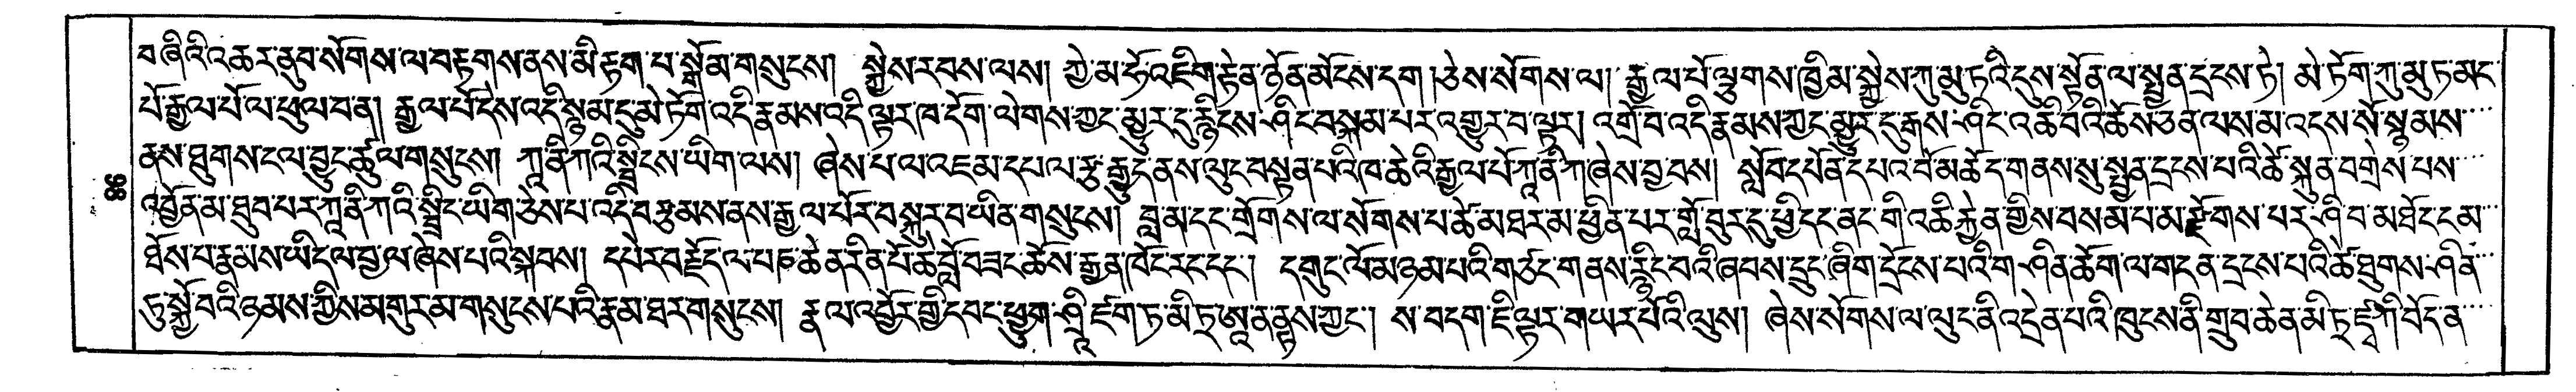བཞིའི་འཆར་ནུབ་སོགས་ལ་བརྟགས་ནས་མི་རྟག་པ་སྒོམ་གསུངས། སྐྱེས་རབས་ལས། ཀྱེ་མ་ཧོ་འཇིག་རྟེན་ཉོན་མོངས་དག །ཅེས་སོགས་ལ། རྒྱལ་པོ་ལྕགས་ཁྱིམ་སྐྱེས་ཀུ་མུ་ཏའི་དུས་སྟོན་ལ་སྤྱན་དྲངས་ཏེ། མེ་ཏོག་ཀུ་མུ་ཏ་མང་
པོ་རྒྱལ་པོ་ལ་ཕུལ་བ་ན། རྒྱལ་པོ་དེས་འདི་སྙམ་དུ་མེ་ཏོག་འདི་རྣམས་འདི་ལྟར་ཁ་དོག་ལེགས་ཀྱང་མྱུར་དུ་རྙིངས་ཤིང་བསྐམ་པར་འགྱུར་བ་ལྟར། འགྲོ་བ་འདི་རྣམས་ཀྱང་མྱུར་དུ་རྒས་ཤིང་འཆི་བའི་ཆོས་ཅན་ལས་མ་འདས་སོ་སྙམས་
ནས་ཐུགས་ངལ་བྱུང་ཚུལ་གསུངས། ཀཱ་ནི་ཀའི་སྤྲིངས་ཡིག་ལས། ཞེས་པ་ལ་འཇམ་དཔལ་རྩ་རྒྱུད་ནས་ལུང་བསྟན་པའི་ཁ་ཆེའི་རྒྱལ་པོ་ཀཱ་ན་ཀེ། ཞེས་བྱ་བས། སློབ་དཔོན་དཔའ་བོ་མཆོད་གནས་སུ་སྤྱན་དྲངས་པའི་ཚེ་སྐུ་ན་བགྲེས་པས་
འབྱོན་མ་ཐུབ་པར་ཀཱ་ནི་ཀའི་སྦྲིང་ཡིག་ཅེས་པ་འདི་བརྩམས་ནས་རྒྱལ་པོར་བསྐུར་བ་ཡིན་གསུངས། བླ་མ་དང་གྲོགས་ལ་སོགས་པ་ཚེ་མཐར་མ་ཕྱིན་པར་གློ་བུར་དུ་ཕྱི་དང་ནང་གི་འཆི་རྐྱེན་གྱིས་བསམ་བ་མ་རྫོགས་པར་ཤི་བ་མཐོང་ངམ་
ཐོས་པ་རྣམས་ཡིད་ལ་བྱ་ལ་ཞེས་པའི་སྐབས། དཔེར་བརྗོད་ལ་པཎ་ཆེན་རིན་པོ་ཆེ་བློ་བཟང་ཆོས་རྒྱན་ཁོང་རང་དང་། དགུང་ལོ་མཉམ་པའི་གཙང་གནས་རྙིང་པའི་ཞབས་དྲུང་ཞིག་དྲོངས་པའི་གཤིན་ཆོག་ལ་གདན་དྲངས་པའི་ཚེ་ཐུགས་ཤིན་
ཏུ་སྐྱོ་བའི་ཉམས་ཀྱིས་མགུར་མ་གསུངས་པའི་རྣམ་ཐར་གསུངས། རྣལ་འབྱོར་གྱི་དབང་ཕྱུག་ཤྲཱི་ཛ་ག་ཏ་མི་ཏྲ་ཨཱ་ནནྟས་ཀྱང་། ས་བདག་ཇི་ལྟར་གཡར་པོའི་ལུས། ཞེས་སོགས་ལ་ལུང་ནི་འདྲེན་པའི་ཁུངས་ནི་གྲུབ་ཆེན་མི་ཏྲ་ཛྭ་ཀི་བོད་ན་